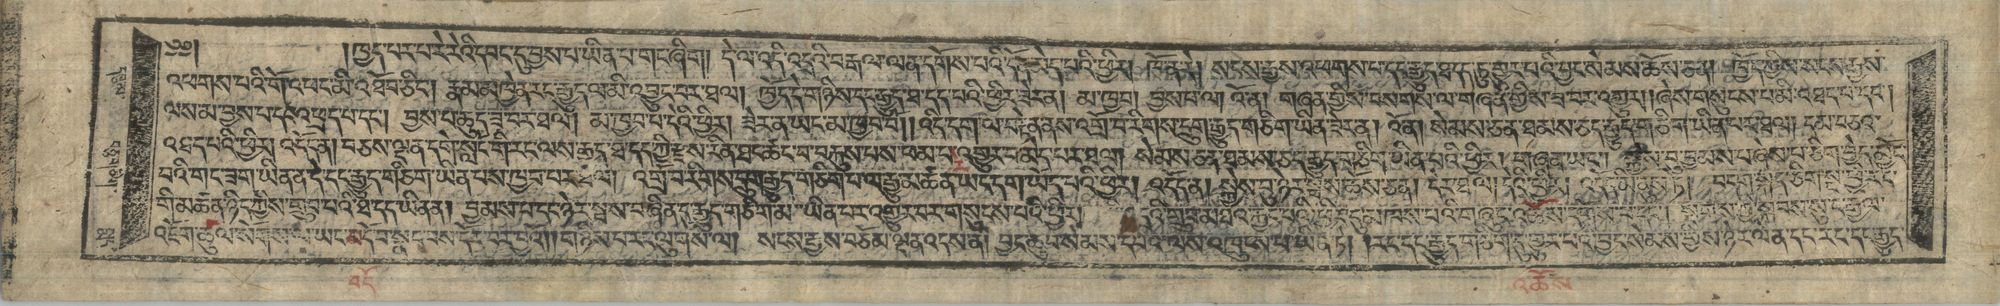༄༅། །ཁྱད་པར་པ་རེ་རེའི་དབང་དུ་བྱས་པ་ཡིན་པ་གང་ཞིག །དེ་ལ་འདི་འདྲའི་བརྒལ་ལན་དགོས་པའི་དོན་མེད་པའི་ཕྱིར། ཁོ་ན་རེ། སངས་རྒྱས་འཕགས་པ་དང་རྒྱུད་ཐ་དད་ཏུ་གྱུར་པའི་བྱང་སེམས་ཆོས་ཅན། ཁྱོད་ཀྱིས་སངས་རྒྱས་
འཕགས་པའི་གོ་འཕང་མི་འཐོབ་ཅིང་། རྣམ་མཁྱེན་རང་རྒྱུད་ལ་མི་འབྱུང་བར་ཐལ། ཁྱོད་དེ་གཉིས་དང་རྒྱུད་ཐ་དད་པའི་ཕྱིར་ཟེར་ན། མ་ཁྱབ། བྱས་པ་ལ། འོ་ན། གཞན་གྱིས་བསགས་ལ་གཞན་གྱིས་ཟ་བར་འགྱུར། །ཞེས་གསུངས་པ་མི་འཐད་པ་དང་།
ལས་མ་བྱས་པ་དང་འཕྲད་པ་དང་། བྱས་པ་ཆུད་ཟ་བར་ཐལ། མ་ཁྱབ་པ་དེའི་ཕྱིར། ཟེར་ན་ཡང་མ་ཁྱབ་པོ། །འདི་དག་ལ་བརྟེན་ནས་འགྲོ་བ་རིགས་དྲུག་རྒྱུད་གཅིག་ཡིན་ཟེར་ན། འོ་ན། སེམས་ཅན་ཐམས་ཅད་རྒྱུད་གཅིག་ཡིན་པར་ཐལ། དམ་བཅའ་
འཐད་པའི་ཕྱིར། འདོད་ན། བཅས་ལྡན་དགེ་སློང་གི་རང་ལས་རྒྱུད་ཐ་དད་ཀྱི་རྫས་རིན་ཐང་ཚང་བ་བརྐུས་པས་ཕམ་པ་འགྱུར་བ་མེད་པར་ཐལ། སེམས་ཅན་ཐམས་ཅད་རྒྱུད་གཅིག་ཡིན་པའི་ཕྱིར། གཞན་ཡང་། སྐྱེས་བུ་བྱམས་པ་ཞེས་པ་ཅིག་བྱེད་མྱོང་
པའི་གང་ཟག་ཡིན་ན་དེ་དང་རྒྱུད་གཅིག་ཡིན་པས་ཁྱབ་པར་ཐལ། འགྲོ་བ་རིགས་དྲུག་རྒྱུད་གཅིག་པ་ལ་རྒྱུད་མཚན་ཡང་དག་ཡོད་པའི་ཕྱིར། འདོད་ན། སྐྱེས་བུ་ཉེར་སྦས་ཆོས་ཅན། དེར་ཐལ། དེའི་ཕྱིར། འདོད་མི་ནུས་ཏེ། བདག་སྐད་ཅིག་སྔ་ཕྱིར་རང་
གི་མཚན་ཉིད་ཀྱིས་གྲུབ་པའི་ཐ་དད་ཡིན་ན། བྱམས་པ་དང་ཉེར་སྦས་བཞིན་དུ་རྒྱུད་གཅིག་མ་ཡིན་པར་འགྱུར་པར་གསུངས་པའི་ཕྱིར། འདི་འདྲའི་གྲུབ་མཐའ་རྐྱང་པའི་ཕྱིར་དུ་མཁས་པའི་གཞུང་འཆོས་དགོས་པ་དང་། སྔགས་ཀྱི་སྐབས་སུ་ང་རྒྱལ་
འཇོག་ཚུལ་སོགས་ལ་ཡང་བདོ་བ་སྣང་བས་དོར་བར་བྱའོ། ༈ །གཉིས་པ་རང་ལུགས་ལ། སངས་རྒྱས་བཅོམ་ལྡན་འདས་ནི། བྱང་ཆུབ་སེམས་དཔའ་ལས་འཁྲུངས་པ་ཡིན་ཏེ། །རང་དང་རྒྱུད་གཅིག་དུ་གྱུར་པའི་བྱང་སེམས་གྱིས་ཉེར་ལེན་དང་རང་དང་རྒྱུད་